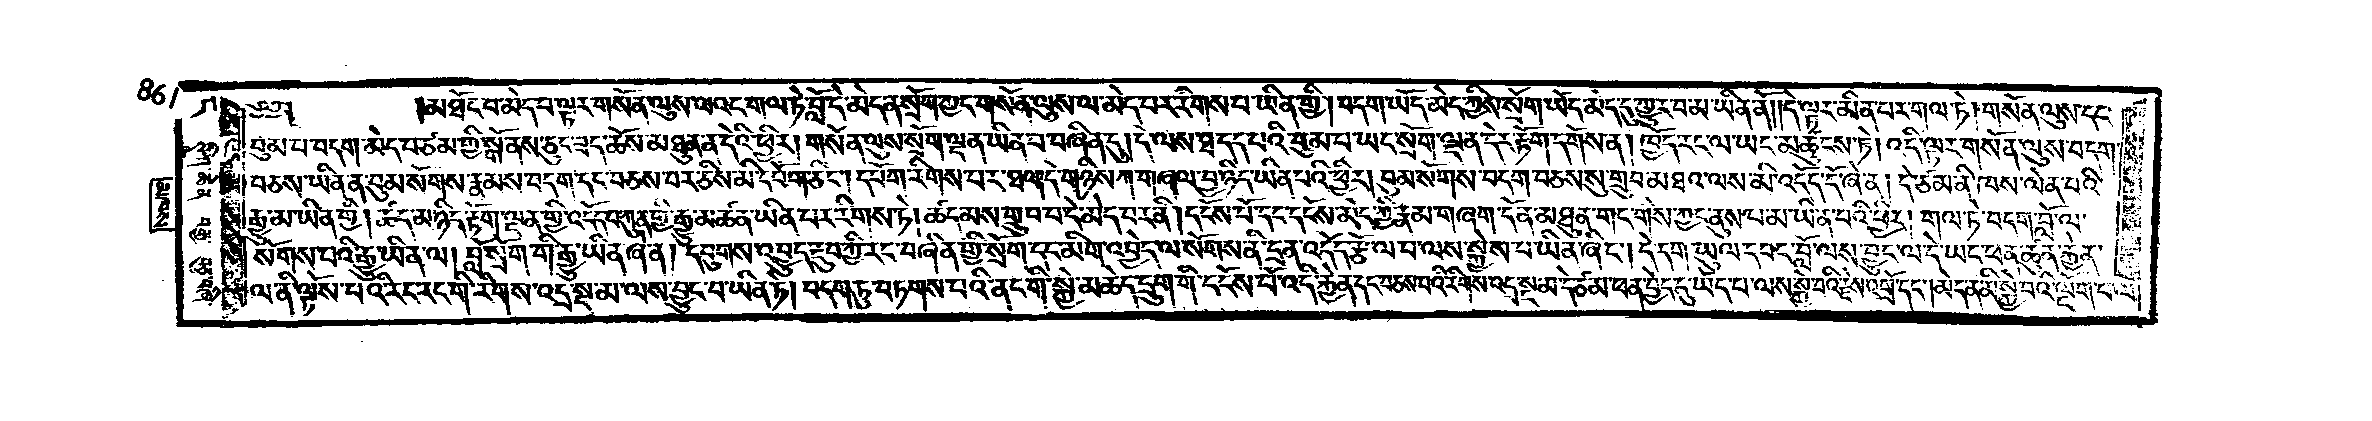༄༅། །མཐོང་བ་མེད་པ་ལྟར་གསོན་ལུས་ལའང་གལ་ཏེ་བློ་དེ་མེད་ན་སྲོག་ཀྱང་གསོན་ལུས་ལ་མེད་པར་རིགས་པ་ཡིན་གྱི། བདག་ཡོད་མེད་ཀྱིས་སྲོག་ཡོད་མེད་དུ་གྱུར་བ་མ་ཡིན་ནོ། །དེ་ལྟར་མིན་པར་གལ་ཏེ། གསོན་ལུས་དང་
བུམ་པ་བདག་མེད་པ་ཙམ་གྱིས་སྒོ་ནས་ཅུང་ཟད་ཆོས་མཐུན་ན་དེའི་ཕྱིར། གསོན་ལུས་སྲོག་ལྡན་ཡིན་པ་བཞིན་དུ། དེ་ལས་ཐ་དད་པའི་བུམ་པ་ཡང་སྲོག་ལྡན་དེར་རྟོག་དགོས་ན། ཁྱོད་རང་ལ་ཡང་མཚུངས་ཏེ། འདི་ལྟར་གསོན་ལུས་བདག་བཅས་ཡིན་ན་བུམ་སོགས་རྣམས་བདག་དང་བཅས་པར་ཅིས་མི་དཔོག་ཅིང་། དཔོག་རིགས་པར་ཐལ། དེ་གཉིས་ཀ་གཞན་བྱ་ཉིད་ཡིན་པའི་ཕྱིར། བུམ་སོགས་བདག་བཅས་སུ་གྲུབ་མཐའ་ལས་མི་འདོད་དོ་ཞེ་ན། དེ་ཙམ་ནི་ཁས་ལེན་པའི་
རྒྱུ་མ་ཡིན་གྱི། ཚད་མ་ཉིད་རྟོག་ལྡན་གྱི་འདོད་པ་ཀུན་གྱི་རྒྱུ་མཚན་ཡིན་པར་རིགས་ཏེ། ཚད་མས་གྲུབ་པ་དེ་མེད་པར་ནི། དངོས་པོ་དང་དངོས་མེད་ཀྱི་རྣམ་གཞག་དོན་མཐུན་གང་གིས་ཀྱང་ནུས་པ་མ་ཡིན་པའི་ཕྱིར། གལ་ཏེ་བདག་བློ་ལ་
སོགས་པའི་རྒྱུ་ཡིན་ལ། བློ་སྲོག་གི་རྒྱུ་ཡིན་ཞེ་ན། དབུགས་འབྱུང་རྔུད་ཀྱི་རང་བཞིན་གྱི་སྲོག་དང་མིག་འབྱེད་ལ་སོགས་ནི་དྲན་འདོད་རྩོལ་བ་ལས་སྐྱེས་པ་ཡིན་ཞིང་། དེ་དག་ཡུལ་དབང་བློ་ལས་བྱུང་ལ་དེ་ཡང་ཕན་ཚུན་རྐྱེན་
ལ་ནི་ལྟོས་པའི་རང་རང་གི་རིགས་འདྲ་སྔ་མ་ལས་བྱུང་བ་ཡིན་ཏེ། བདག་ཏུ་བཏགས་པའི་ནང་གི་སྐྱེ་མཆེད་དྲུག་གི་དངོས་པོ་འདི་རྐྱེན་དང་བཅས་པའི་རིགས་འདྲ་སྔ་མ་དེ་ཙམ་ཕན་བྱེད་དུ་ཡོད་པ་ལས་སྐྱེ་བའི་རྗེས་འགྲེ་དང་།མེད་ན་མི་སྐྱེ་བའི་ལྡོག་པ་ལ་